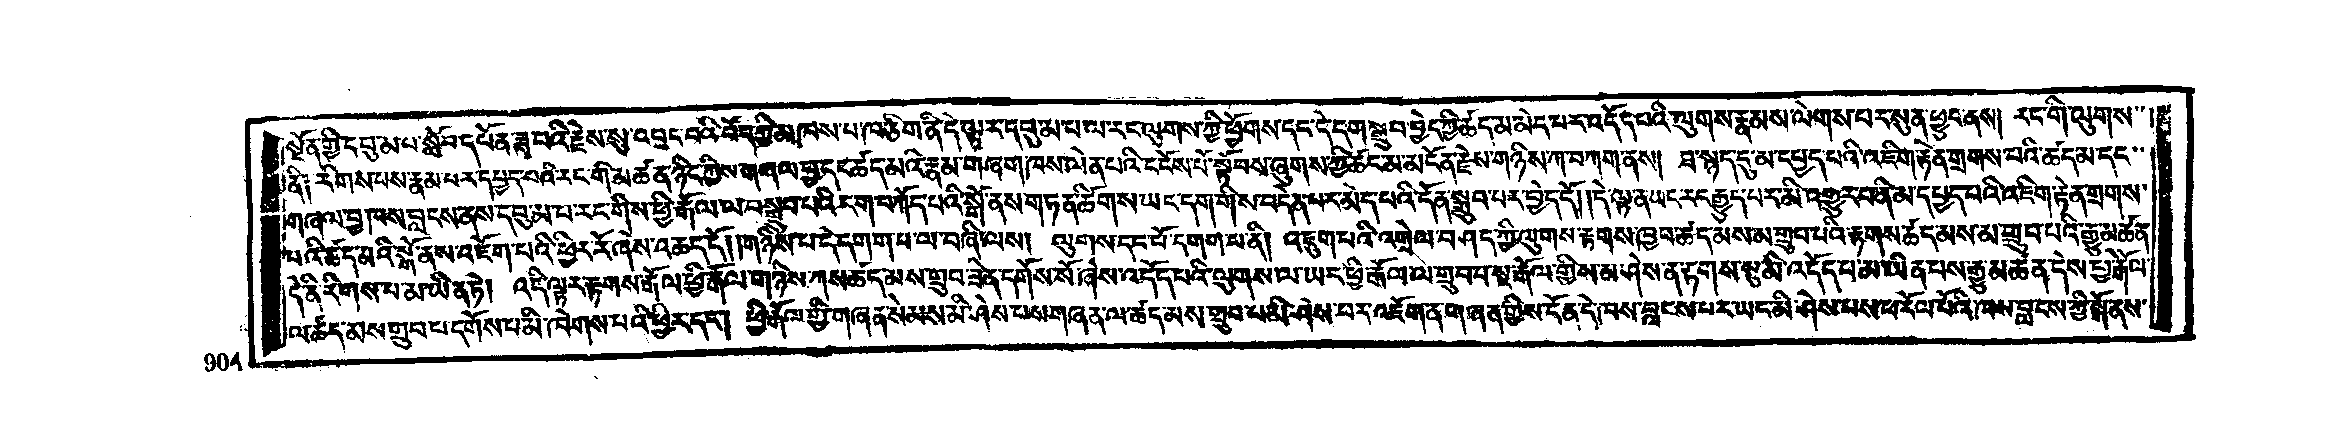སྔོན་གྱི་དབུ་མ་པ་སློབ་དཔོན་ཟླ་བའི་རྗེས་སུ་འབྲང་བའི་བོད་ཀྱི་མཁས་པ་ཁ་ཅིག་ནི་དེ་ལྟར་དབུ་མ་པ་ལ་རང་ལུགས་ཀྱི་ཕྱོགས་དང་དེ་དག་སྒྲུབ་བྱེད་ཀྱི་ཚད་མ་མེད་པར་འདོད་པའི་ལུགས་རྣམས་ལེགས་པར་སུན་ཕྱུང་ནས། རང་གི་ལུགས་
ནི༑ རིགས་པས་རྣམ་པར་དཔྱད་པའི་རང་གི་མཚན་ཉིད་ཀྱིས་གཞལ་བྱ་དང་ཚད་མའི་རྣམ་གཞག་ཁས་ལེན་པའི་དངོས་པོ་སྟོབས་ཞུགས་ཀྱི་ཚད་མ་མངོན་རྗེས་གཉིས་ཀ་བཀག་ནས། ཐ་སྙད་དུ་མ་དཔྱད་པའི་འཇིག་རྟེན་གྲགས་པའི་ཚད་མ་དང་
གཞལ་བྱ་ཁས་བླངས་ནས་དབུ་མ་པ་རང་གིས་ཕྱི་རྒོལ་ལ་བསྒྲུབ་པའི་ངག་བཀོད་པའི་སྒོ་ནས་གཏན་ཚིགས་ཡང་དག་གིས་བདེན་པར་མེད་པའི་དོན་སྒྲུབ་པར་བྱེད་དོ། །དེ་ལྟ་ན་ཡང་རང་རྒྱུད་པར་མི་འགྱུར་བ་ནི་མ་དཔྱད་པའི་འཇིག་རྟེན་གྲགས་
པའི་ཚད་མའི་སྒོ་ནས་འཇོག་པའི་ཕྱིར་རོ་ཞེས་འཆད་དོ། །གཉིས་པ་དེ་དགག་པ་ལ་བཞི་ལས། ལུགས་དང་པོ་དགག་པ་ནི། འཇུག་པའི་འགྲེལ་བཤད་ཀྱི་ལུགས་རྟགས་ཁྱབ་ཚད་མས་མ་གྲུབ་པའི་རྟགས་ཚད་མས་མ་གྲུབ་པའི་རྒྱུ་མཚན་
དེ་ནི་རིགས་པ་མ་ཡིན་ཏེ། འདི་ལྟར་རྟགས་རྒོལ་ཕྱི་རྒོལ་གཉིས་ཀས་ཚད་མས་གྲུབ་ཟིན་དགོས་སོ་ཞེས་འདོད་པའི་ལུགས་ལ་ཡང་ཕྱི་རྒོལ་ལ་གྲུབ་པ་སྔ་རྒོལ་གྱིས་མ་ཤེས་ན་རྟགས་སུ་མི་འདོད་པ་མ་ཡིན་པས་རྒྱུ་མཚན་དེས་ཕྱི་རྒོལ་
ལ་ཚད་མས་གྲུབ་པ་དགོས་པ་མི་ཁེགས་པའི་ཕྱིར་དང་། ཕྱི་རྒོལ་གྱི་གཞན་སེམས་མི་ཤེས་པས་གཞན་ལ་ཚད་མས་གྲུབ་པ་མི་ཤེས་པར་འཇོག་ན་གཞན་གྱིས་དོན་དེ་ཁས་བླངས་པར་ཡང་མི་ཤེས་པས་ཕ་རོལ་པོའི་ཁས་བླངས་ཀྱི་སྒོ་ནས་